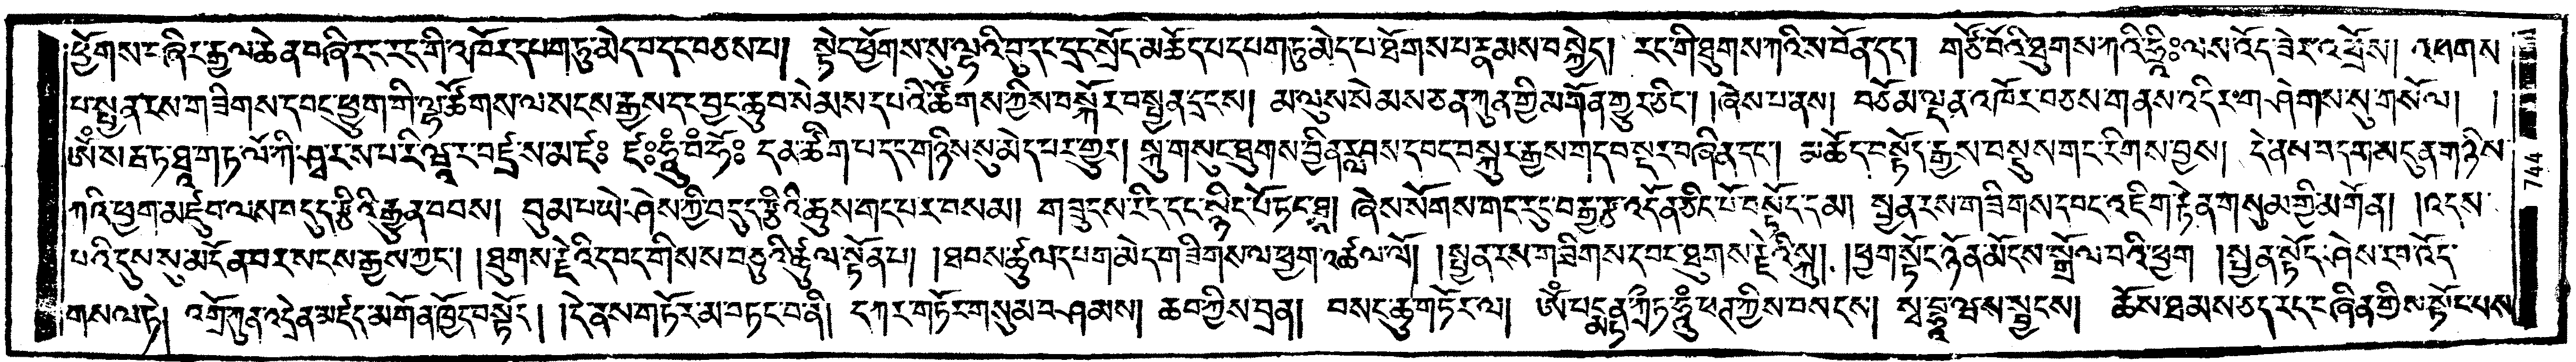ཕྱོགས་བཞིར་རྒྱལ་ཆེན་བཞི་རང་རང་གི་འཁོར་དཔག་ཏུ་མེད་པ་དང་བཅས་པ། སྟེང་ཕྱོགས་སུ་ལྷའི་བུ་དང་དྲང་སྲོང་མཆོད་པ་དཔག་ཏུ་མེད་པ་ཐོགས་པ་རྣམས་བསྐྱེད། རང་གི་ཐུགས་ཀའི་ས་བོན་དང་། གཙོ་བོའི་ཐུགས་ཀའི་ཧྲཱིཿ ལས་འོད་ཟེར་འཕྲོས། འཕགས་
པ་སྤྱན་རས་གཟིགས་དབང་ཕྱུག་གི་ལྷ་ཚོགས་ལ་སངས་རྒྱས་དང་བྱང་ཆུབ་སེམས་དཔའི་ཚོགས་ཀྱིས་བསྐྲོ་བ་སྤྱན་དྲངས། མ་ལུས་སེམས་ཅན་ཀུན་གྱི་མགོན་གྱུར་ཅིང་། །ཞེས་པ་ནས། བཅོམ་ལྡན་འཁོར་བཅས་གནས་འདིར་གཤེས་སུ་གསོལ། །
ཨོཾ་སརྦ་ཏ་ཐཱ་ག་ཏ་ལོ་ཀི་ཤྭ་ར་ས་པ་རི་ཝཱ་ར་བྫྲ་ས་མ་ཛཿ ཛཿ ཧཱུཾ་བཾ་ཧོཿ དམ་ཚིག་པ་དང་གཉིས་སུ་མེད་པར་གྱུར། སྐུ་གསུང་ཐུགས་བྱིན་རླབས་དབང་བསྐུར་རྒྱས་གདབ་སྔར་བཞིན་དང་། མཆོད་བསྟོད་རྒྱས་བསྡུས་གང་རིགས་བྱས། དེ་ནས་བདག་མདུན་གཉིས་
ཀའི་ཕྱག་མཛུབ་ལས་བདུད་རྩིའི་རྒྱུན་བབས། བུམ་པ་ཡེ་ཤེས་ཀྱི་བདུད་རྩིའི་ཆུས་གང་པར་བསམ། གཟུངས་རིང་དང་སྙིང་པོ་ཏ་དྱ་ཐཱ། ཞེས་སོགས་གང་རུང་བརྒྱ་རྩ་འདོན་ཅིང་པོ་བསྟོད་དམ། སྤྱན་རས་གཟིགས་དབང་འཇིག་རྟེན་གསུམ་གྱི་མགོན། །འདས་
པའི་དུས་སུ་མངོན་པར་སངས་རྒྱས་ཀྱང་། །ཐུགས་རྗེའི་དབང་གིས་ས་བཅུའི་ཚུལ་སྟོན་པ། །ཐབས་ཚུལ་དཔག་མེད་གཟིགས་ལ་ཕྱག་འཚལ་ལོ། །སྤྱན་རས་གཟིགས་དབང་ཐུགས་རྗེའི་སྐུ། །ཕྱག་སྟོང་ཉོན་མོངས་སྒྲོལ་བའི་ཕྱག །སྤྱན་སྟོང་ཤེས་རབ་འོད་
གསལ་ཏེ། འགྲོ་ཀུན་འདྲེན་མཛད་མགོན་ཁྱོད་བསྟོད། །དེ་ནས་གཏོར་མ་བཏང་བ་ནི། དཀར་གཏོར་གསུམ་བཤམས། ཆབ་ཀྱིས་བྲན། བསང་ཆུ་གཏོར་ལ། ཨོཾ་པདམ་ནྟ་ཀྲྀ་ཏ་ཧཱུཾ་ཕཊ་ཀྱིས་བསངས། སྭ་བྷཱ་ཝས་སྦྱངས། ཆོས་ཐམས་ཅད་རང་བཞིན་གྱིས་སྟོང་པར་